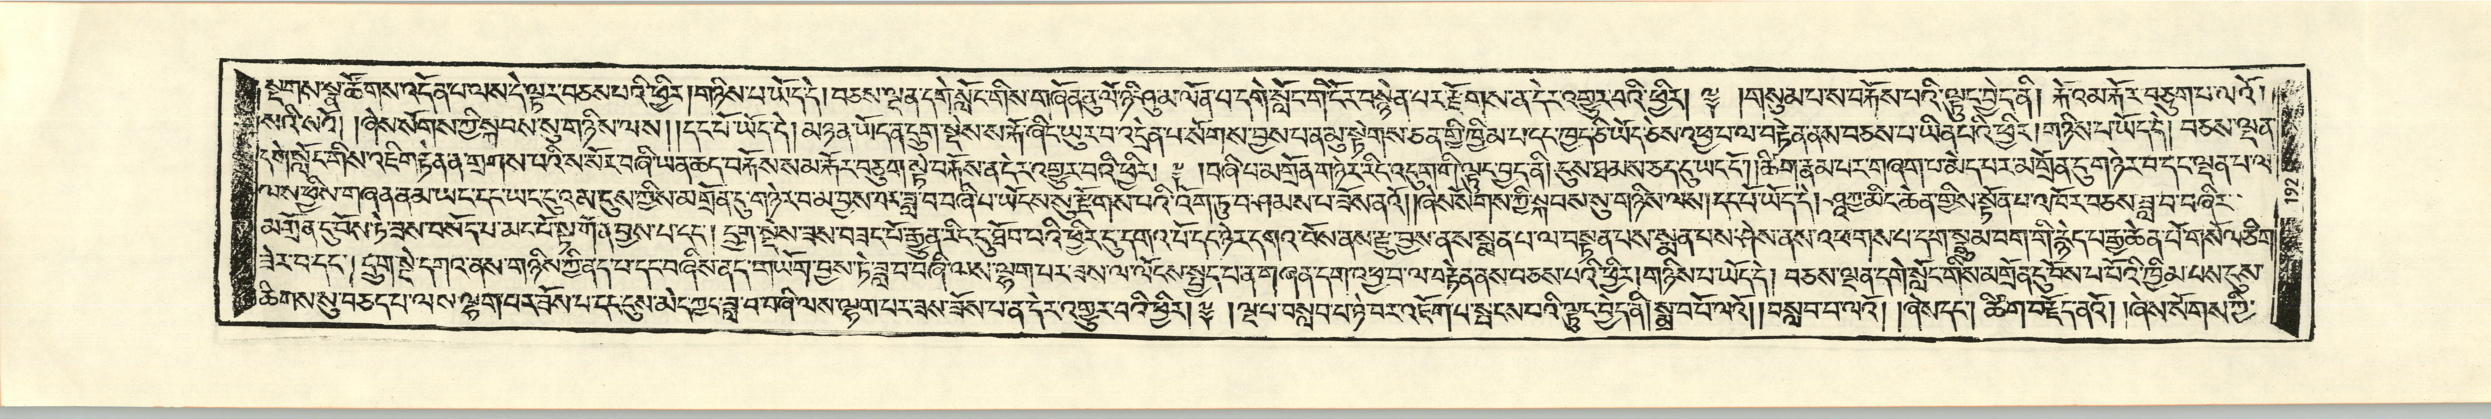སྔགས་སྣ་ཚོགས་འདོན་པ་ལས་དེ་ལྟར་བཅས་པའི་ཕྱིར། གཉིས་པ་ཡོད་དེ། བཅས་ལྡན་དགེ་སློང་གིས་གཞོན་ནུ་ལོ་ཉི་ཤུ་མ་ལོན་པ་དགེ་སློང་གི་ངོར་བསྙེན་པར་རྫོགས་ན་དེར་འགྱུར་བའི་ཕྱིར། ༈ །གསུམ་པ་ས་བརྐོས་པའི་ལྟུང་བྱེད་ནི། རྐོ་འམ་རྐོར་བཅུག་པ་ལའོ།
སའི་སའོ། །ཞེས་སོགས་ཀྱི་སྐབས་སུ་གཉིས་ལས། །དང་པོ་ཡོད་དེ། མཉན་ཡོད་ན་དྲུག་སྡེས་ས་རྐོ་ཞིང་ཡུར་བ་འདྲེན་པ་སོགས་བྱས་པ་ན་མུ་སྟེགས་ཅན་གྱི་ཁྱིམ་པ་དང་ཁྱད་ཅི་ཡོད་ཅེས་འཕྱ་པ་ལ་བརྟེན་ནས་བཅས་པ་ཡིན་པའི་ཕྱིར། གཉིས་པ་ཡོད་དེ། བཅས་ལྡན་
དགེ་སློང་གིས་འཇིག་རྟེན་ན་གྲགས་པའི་ས་སོར་བཞི་ཡན་ཆད་བརྐོས་སམ་རྐོར་བཅུག་སྟེ་བརྐོས་ན་དེར་འགྱུར་བའི་ཕྱིར། ༈ །བཞི་པ་མགྲོན་གཉེར་རིང་འདུག་གི་ལྟུང་བྱད་ནི། དུས་ཐམས་ཅད་དུ་ཡང་ངོ། །ཚིག་རྣམ་པར་གཞག་པ་མེད་པར་མགྲོན་དུ་གཉེར་བ་དང་ལྡན་པ་ལ་
ལས་ཕྱིས་གཞན་ནམ་ཡང་དང་ཡང་དུ་འམ་དུས་ཀྱིས་མགྲོན་དུ་གཉེར་བ་མ་བྱས་བར་ཟླ་བ་བཞི་པ་ཡོངས་སུ་རྫོགས་པའི་འོག་ཏུ་བ་ཤམས་པ་ཟོས་ནའོ། །ཞེས་སོགས་ཀྱི་སྐབས་སུ་གཉིས་ལས། དང་པོ་ཡོད་དེ། ཤཱཀྱ་མིང་ཆེན་གྱིས་སྟོན་པ་འཁོར་བཅས་ཟླ་བ་བཞིར་
མགྲོན་དུ་བོས་ཏེ་ཟས་བསོད་པ་མང་པོ་སྟ་གོན་བྱས་པ་དང་། དྲུག་སྡེས་ཟས་བཟང་པོ་རྒྱུན་རིང་དུ་ཐོབ་པའི་ཕྱིར་དུ་དགའ་པོ་དང་ཉེར་དགའ་བོས་ནས་རྫུ་བྱས་ནས་སྨན་པ་ལ་བསྟན་པས་སྨན་པས་ཤེས་ནས་འཕགས་པ་དག་སྣུམ་བག་གི་རྙེད་པ་རྒྱ་ཆེན་པོ་གསོལ་ཅིག་
ཟེར་བ་དང་། དྲུག་སྡེ་དགའ་ནས་གཉིས་ཀྱི་ནད་པ་དང་བཞིས་ནད་གཡོག་བྱས་ཏེ་ཟླ་བ་བཞི་ལས་ལྷག་པར་ཟས་ལ་ལོངས་སྤྱད་པ་ན་གཞན་དག་འཕྱ་བ་ལ་བརྟེན་ནས་བཅས་པའི་ཕྱིར། གཉིས་པ་ཡོད་དེ། བཅས་ལྡན་དགེ་སློང་གིས་མགྲོན་དུ་བོས་པ་པོའི་ཁྱིམ་པས་དུས་
ཚིགས་སུ་བཅད་པ་ལས་ལྷག་པར་ཟོས་པ་དང་དུས་མེད་ཀྱང་ཟླ་བ་བཞི་ལས་ལྷག་པར་ཟས་ཟོས་པ་ན་དེར་འགྱུར་བའི་ཕྱིར། ༈ །ལྔ་པ་བསླབ་པ་ཉེ་བར་འཇོག་པ་སྤངས་པའི་ལྟུང་བྱེད་ནི། སྨྲ་བ་པོ་ལའོ། །བསླབ་བ་ལའོ། །ཞེས་དང་། ཚིག་བརྗོད་ནའོ། །ཞེས་སོགས་ཀྱི་